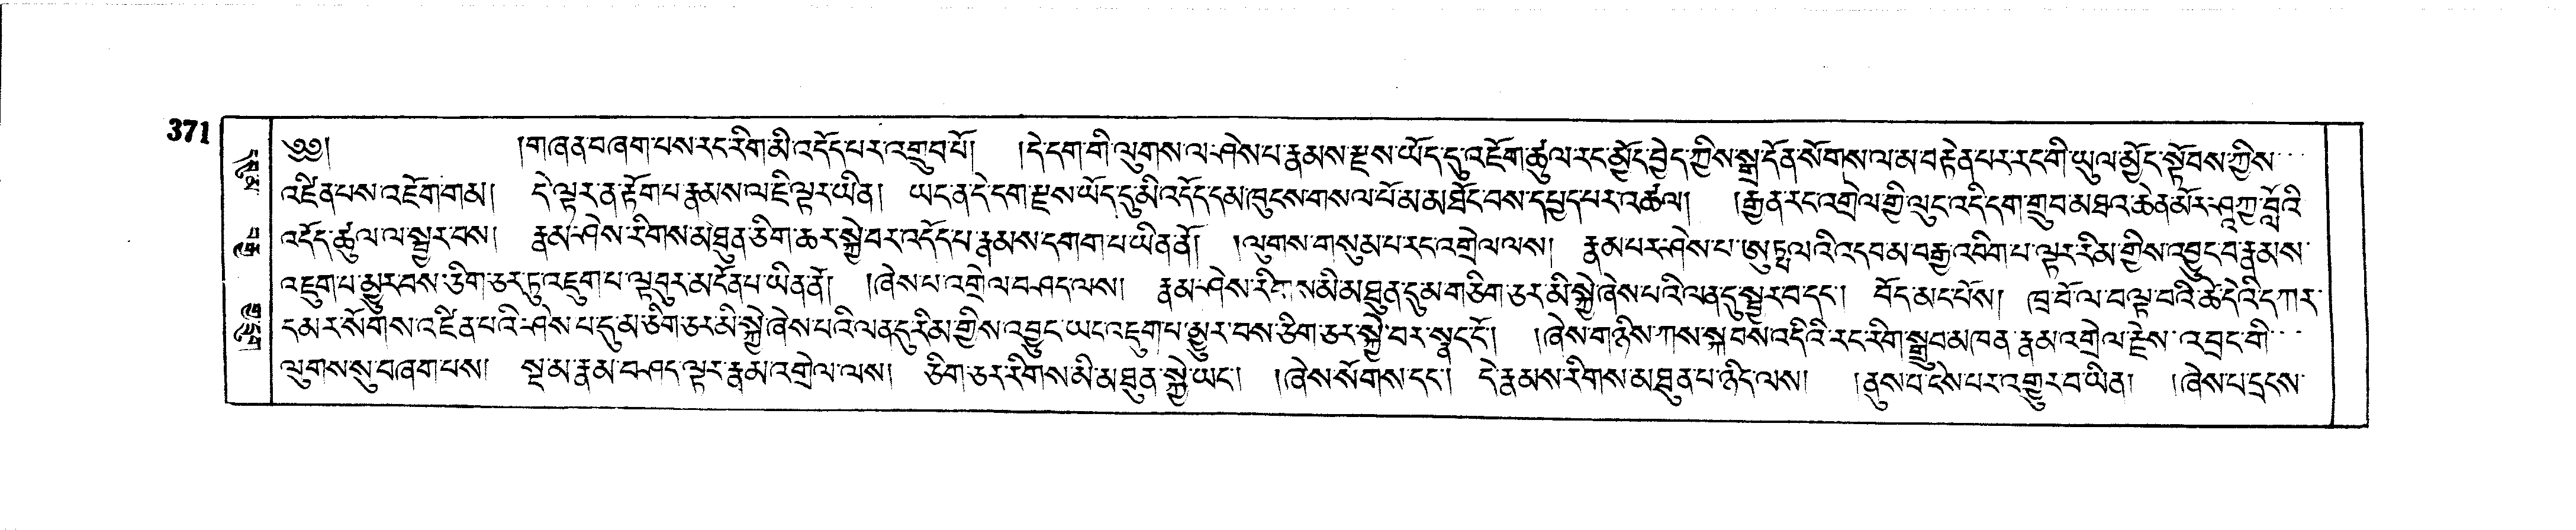༄༅། །གཞན་བཞག་པས་རང་རིག་མི་འདོད་པར་འགྲུབ་པོ། །དེ་དག་གི་ལུགས་ལ་ཤེས་པ་རྣམས་རྫས་ཡོད་དུ་འཇོག་ཚུལ་རང་མྱོང་བྱེད་ཀྱིས་སྒྲ་དོན་སོགས་ལ་མ་བརྟེན་པར་རང་གི་ཡུལ་མྱོང་སྟོབས་ཀྱིས་
འཛིན་པས་འཇོག་གམ། དེ་ལྟར་ན་རྟོག་པ་རྣམས་ལ་ཇི་ལྟར་ཡིན། ཡང་ན་དེ་དག་རྫས་ཡོད་དུ་མི་འདོད་དམ་ཁུངས་གསལ་པོ་མ་མཐོང་བས་དཔྱད་པར་འཚལ། །རྒྱན་རང་འགྲེལ་གྱི་ལུང་འདི་དག་གྲུབ་མཐའ་ཆེན་མོར་ཤཱཀྱ་བློའི་
འདོད་ཚུལ་ལ་སྦྱར་བས། རྣམ་ཤེས་རིགས་མཐུན་ཅིག་ཆར་སྐྱེ་བར་འདོད་པ་རྣམས་དགག་པ་ཡིན་ནོ། །ལུགས་གསུམ་པ་རང་འགྲེལ་ལས། རྣམ་པར་ཤེས་པ་ཨུཏྤལའི་འདབ་མ་བརྒྱ་འབིག་པ་ལྟར་རིམ་གྱིས་འབྱུང་བ་རྣམས་
འཇུག་པ་མྱུར་བས་ཅིག་ཅར་ཏུ་འཇུག་པ་ལྟ་བུར་མངོན་པ་ཡིན་ནོ། །ཞེས་པ་འགྲེལ་བཤད་ལས། རྣམ་ཤེས་རིགས་མི་མཐུན་དུ་མ་གཅིག་ཅར་མི་སྐྱེ་ཞེས་པའི་ལན་དུ་སྦྱར་བ་དང་། བོད་མང་པོས། ཁྲ་བོ་ལ་བལྟ་བའི་ཚེ་དེའི་དཀར་
དམར་སོགས་འཛིན་པའི་ཤེས་པ་དུ་མ་ཅིག་ཅར་མི་སྐྱེ་ཞེས་པའི་ལན་དུ་རིམ་གྱིས་འབྱུང་ཡང་འཇུག་པ་མྱུར་བས་ཅིག་ཅར་སྐྱེ་བར་སྣང་ངོ། །ཞེས་གཉིས་ཀས་སྐབས་འདིའི་རང་རིག་སྒྲུབ་མཁན་རྣམ་འགྲེལ་རྗེས་འབྲང་གི་
ལུགས་སུ་བཞག་པས། སྔ་མ་རྣམ་བཤད་ལྟར་རྣམ་འགྲེལ་ལས། ཅིག་ཅར་རིགས་མི་མཐུན་སྐྱེ་ཡང་། །ཞེས་སོགས་དང་། དེ་རྣམས་རིགས་མཐུན་པ་ཉིད་ལས། །ནུས་པ་ངེས་པར་འགྱུར་བ་ཡིན། །ཞེས་པ་དྲངས་